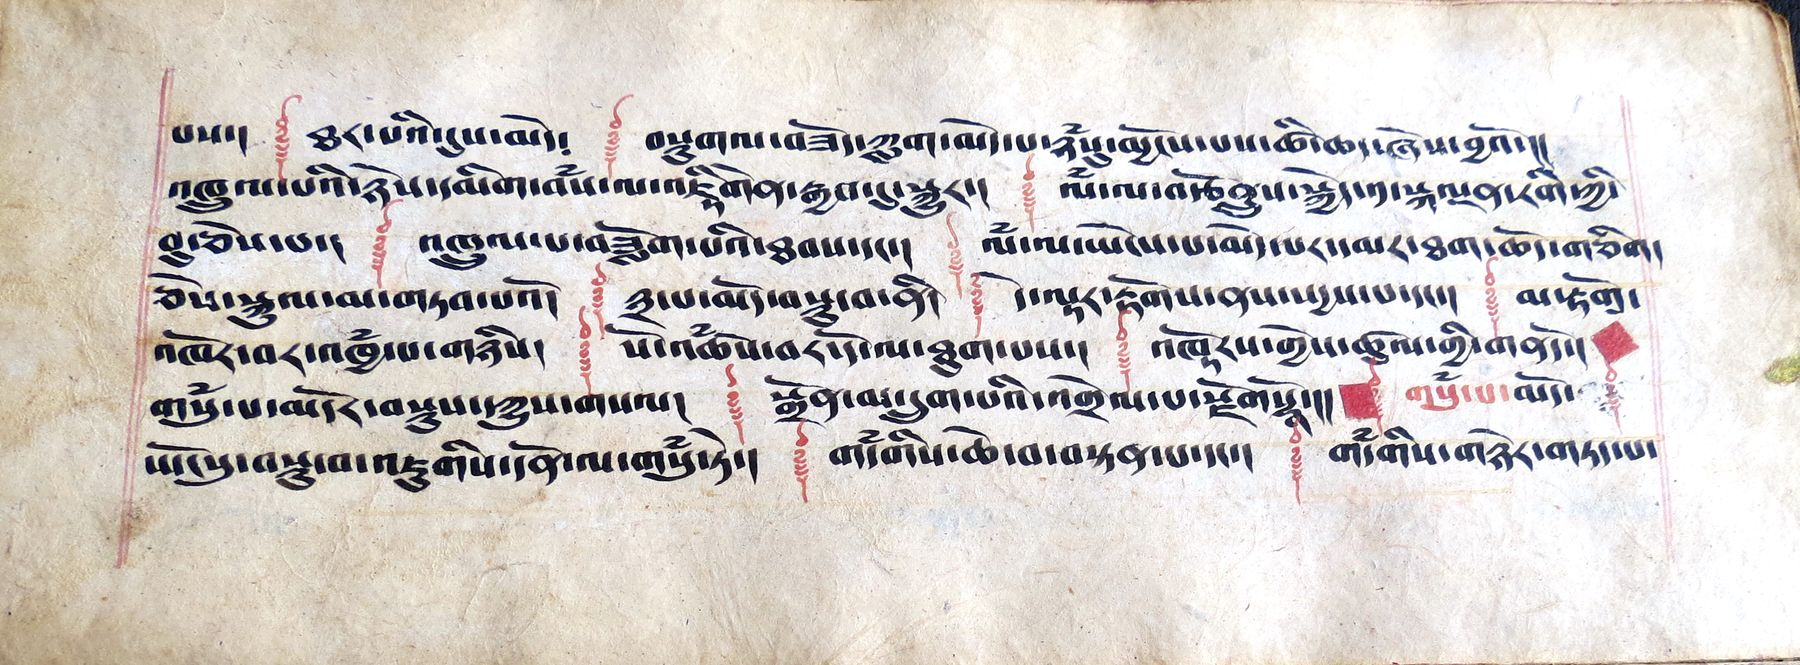པས། ཐར་པའི་དུས་མེད་སྡུག་བསྔལ་བཟོད་གླགས་མེད་པ་ཉམས་སུ་མྱོང་པས་ཚི་ཆད་ཅེས་བྱའོ། །
འཁྲུལ་པའི་ཉེས་དམིགས་སོམས་ལ་འཇིག་རྟེན་རྒྱབ་ཏུ་བསྐྱུར། ལམ་ལ་བརྩོན་འགྲུས་སྐྱེད་ཅིག་སྐལ་ལྡན་རིགས་ཀྱི་
བུ་ཞེས་པས། འཁྲུལ་པ་ཟློག་པའི་ཐབས་དང་། ལམ་ལ་ཡེངས་པ་མེད་པར་དམར་ཐག་ཆོད་ཅིག །
ཅེས་བསྐུལ་མ་བཏབ་པའོ། །གསུམ་པ་མདོར་བསྡུ་བ་ནི། དེ་ལྟར་རྟོགས་ནས་སངས་རྒྱས་པ་དང་། མ་རྟོགས་
འཁོར་བར་འཁྱམས་པ་གཉིས། སོ་མཚམས་བར་དོ་ལ་ཐུག་པས། འཁོར་འདས་གྱེས་ཚུལ་གྱི་གནད་དོ། 
གསུམ་པ་མདོ་བསྡུ་དཀྱུས་གསལ། སྒྲོན་མ་དྲུག་པའི་འགྲེལ་པ་རྫོགས་སོ། ། གསུམ་པ་མདོ་
ཡོངས་སུ་བསྡུ་བ་མཇུག་གི་དོན་ལ་གསུམ་སྟེ། གདམས་ངག་གི་ཆེ་བ་བསྟན་པ་དང་། གདམས་ངག་གི་གཉེར་གཏད་པ་